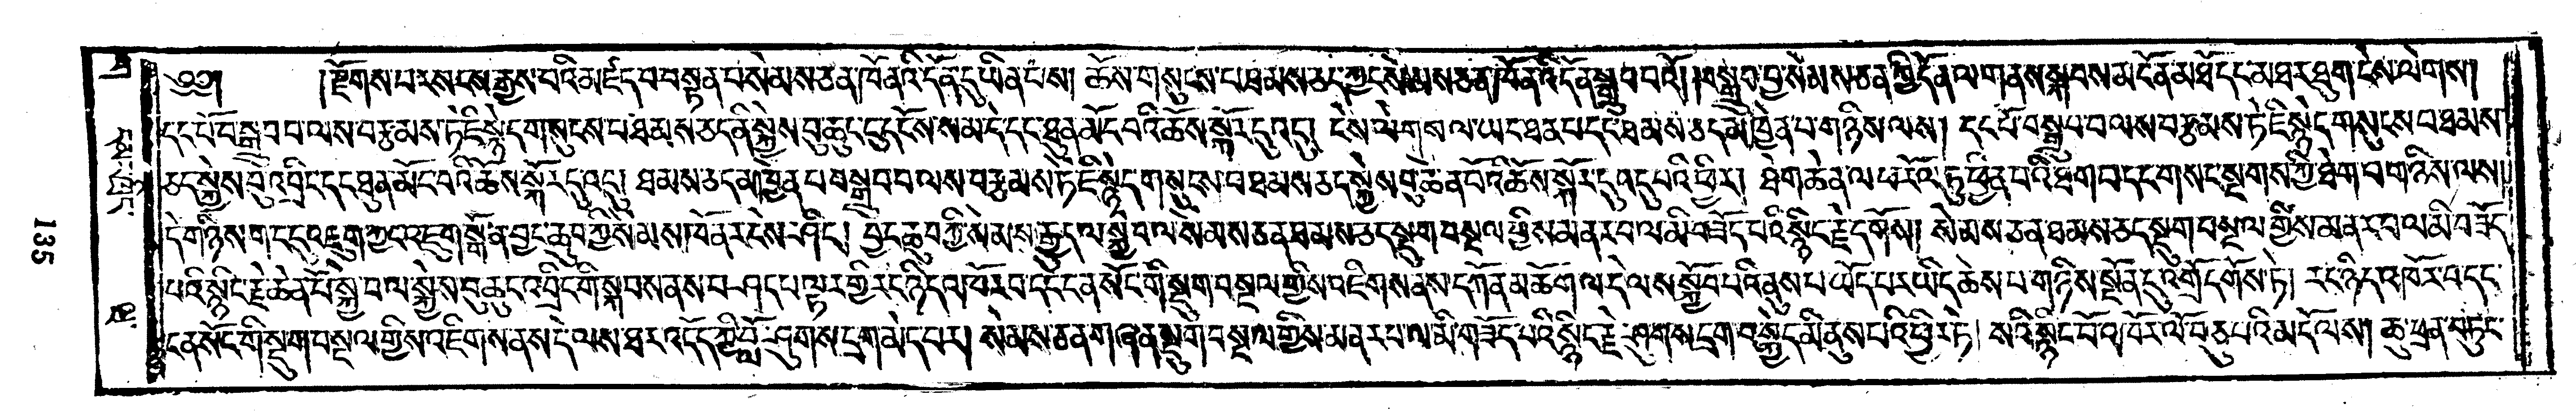༄༅། །རྫོགས་པར་སངས་རྒྱས་པའི་མཛད་པ་བསྟན་པ་སེམས་ཅན་ཁོ་ནའི་དོན་དུ་ཡིན་པས། ཆོས་གསུངས་པ་ཐམས་ཅད་ཀྱང་སེམས་ཅན་ཁོ་ནའི་དོན་སྒྲུབ་པའོ། །བསྒྲུབ་བྱ་སེམས་ཅན་ཀྱི་དོན་ལ་གནས་སྐབས་མངོན་མཐོ་དང་མཐར་ཐུག་ངེས་ལེགས།
དང་པོ་བ་སྒྲུབ་པ་ལས་བརྩམས་ཏེ་ཇི་སྙེད་གསུངས་པ་ཐམས་ཅད་ནི་སྐྱེས་བུ་ཆུང་དུ་དངོས་སམ་དེ་དང་ཐུན་མོང་བའི་ཆོས་སྐོར་དུ་འདུ། ངེས་ལེགས་ལ་ཡང་ཐན་པ་དང་ཐམས་ཅད་མཁྱེན་པ་གཉིས་ལས། དང་པོ་བསྒྲུབ་བ་ལས་བརྩམས་ཏེ་ཇི་སྙེད་གསུངས་བ་ཐམས་
ཅད་སྐྱེས་བུ་འབྲིང་དང་ཐུན་མོང་བའི་ཆོས་སྐོར་དུ་འདུ། ཐམས་ཅད་མཁྱེན་པ་བསྒྲུབ་པ་ལས་བརྩམས་ཏེ་ཇི་སྙེད་གསུངས་པ་ཐམས་ཅད་སྐྱེས་བུ་ཆེན་པོའི་ཆོས་སྐོར་དུ་འདུ་པའི་ཕྱིར། ཐེག་ཆེན་ལ་ཕ་རོལ་ཏུ་ཕྱིན་པའི་ཐག་བ་དང་གསང་སྔགས་ཀྱི་ཐེག་པ་གཉིས་ལས།
དེ་གཉིས་གང་དུ་འཇུག་ཀྱང་འཇུག་སྒོ་ན་བྱང་ཆུབ་ཀྱི་སེམས་ཁོ་ནར་ངེས་ཤིང་། བྱང་ཆུབ་ཀྱི་སེམས་རྒྱུད་ལ་སྐྱེ་བ་ལ་སེམས་ཅན་ཐམས་ཅད་སྡུག་བསྔལ་གྱིས་མནར་བ་ལ་མི་བཟོད་པའི་སྙིང་རྗེ་དགོས། སེམས་ཅན་ཐམས་ཅད་སྡུག་བསྔལ་གྱིས་མནར་བ་ལ་མི་བཟོད་
པའི་སྙིང་རྗེ་ཆེན་པོ་སྐྱེ་བ་ལ་སྐྱེས་བུ་ཆུང་འབྲིང་གི་སྐབས་ནས་བཤད་པ་ལྟར་གྱི་རང་ཉིད་འཁོར་བ་དང་ངན་སོང་གི་སྡུག་བསྔལ་གྱིས་འཇིགས་ནས་དཀོན་མཆོག་ལ་དེ་ལས་སྐྱོབ་པའི་ནུས་པ་ཡོད་པར་ཡིད་ཆེས་པ་གཉིས་སྔོན་དུ་འགྲོ་དགོས་ཏེ། རང་ཉིད་འཁོར་བ་དང་
ངན་སོང་གི་སྡུག་བསྔལ་གྱིས་འཇིགས་ནས་དེ་ལས་ཐར་འདོད་ཀྱི་བློ་ཤུགས་དྲག་མེད་པར། སེམས་ཅན་གཞན་སྡུག་བསྔལ་གྱིས་མནར་བ་ལ་མི་གཟོད་པའི་སྙིང་རྗེ་ཤུགས་དྲག་བ་སྐྱེད་མི་ནུས་པའི་ཕྱིར་ཏེ། སའི་སྙིང་པོ་འཁོར་ལོ་བཅུ་པའི་མདོ་ལས། ཆུ་ཕྲན་བཏུང་